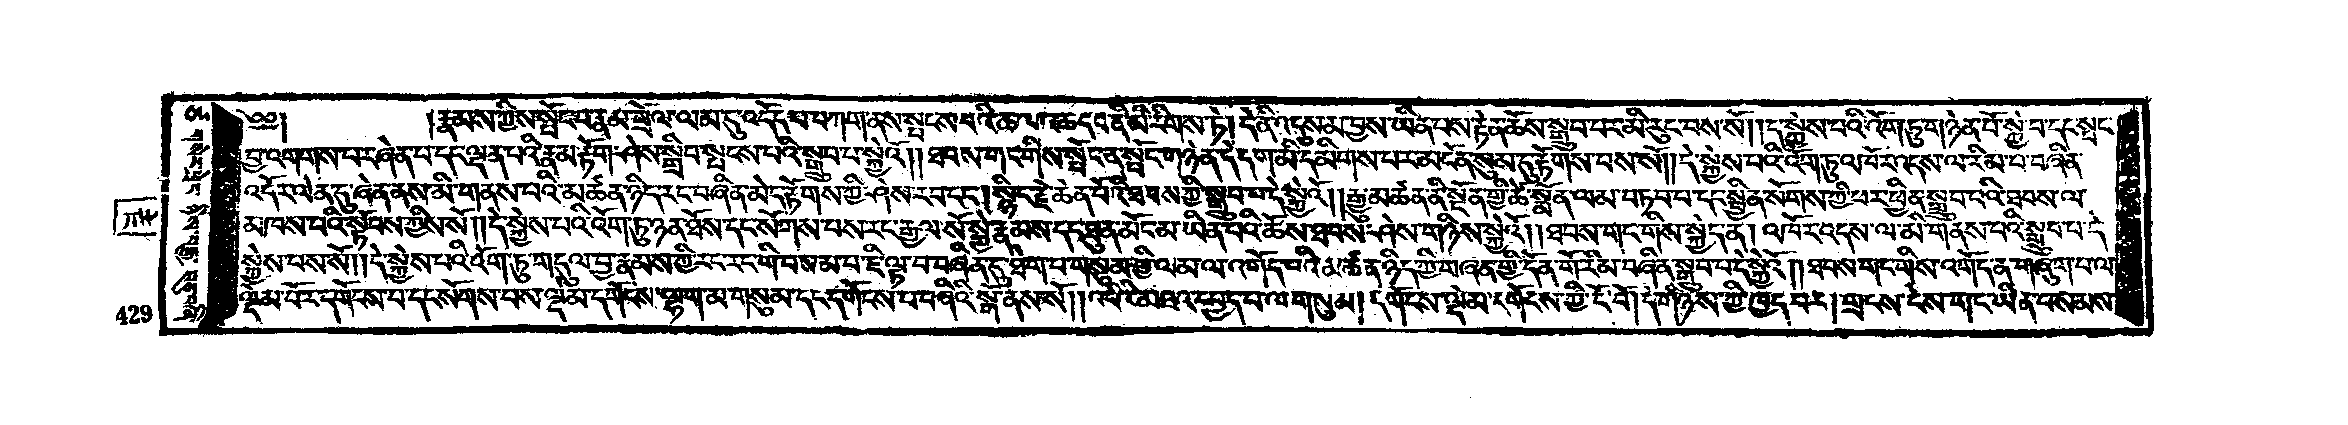༄༅། །རྣམས་ཀྱིས་སྤོང་བ་རྣམ་གྲོལ་ལམ་དུ་འདོད་པ་བཀག་ནས་སྤངས་པའི་ཆ་ལ་འཆད་པ་ནི་མི་རིགས་ཏེ། དེ་ནི་འདུས་མ་བྱས་ཡིན་པས་རྟེན་ཆོས་སྒྲུབ་པར་མི་རུང་བས་སོ། །དེ་སྐྱེས་པའི་འོག་ཏུ་གཉེན་པོ་སྐྱེ་བ་དང་སྤང་
བྱ་འགགས་པར་ཞེན་པ་དང་ལྡན་པའི་རྣམ་རྟོག་ཤེས་སྒྲིབ་སྤངས་པའི་སྒྲུབ་པ་སྐྱེའོ། །ཐབས་གང་གིས་སྤོང་ན་སྤོང་གཉེན་དེ་དག་མི་དམིགས་པར་མངོན་སུམ་དུ་རྟོགས་པས་སོ། །དེ་སྐྱེས་པའི་འོག་ཏུ་འཁོར་འདས་ལ་རིམ་པ་བཞིན་
འདོར་ལེན་དུ་ཞེན་ནས་མི་གནས་པའི་མཚན་ཉིད་རང་བཞིན་མེད་རྟོགས་ཀྱི་ཤེས་རབ་དང་། སྙིང་རྗེ་ཆེན་པོའི་ཐབས་ཀྱི་སྒྲུབ་པ་དེ་སྐྱེའོ། །རྒྱུ་མཚན་ནི་སྔོན་གྱི་ཚེ་སྨོན་ལམ་བཏབ་པ་དང་སྦྱིན་སོགས་ཀྱི་ཕར་ཕྱིན་སྒྲུབ་པའི་ཐབས་ལ་
མཁས་པའི་སྟོབས་ཀྱིས་སོ། །དེ་སྐྱེས་པའི་འོག་ཏུ་ཉན་ཐོས་དང་སོགས་པས་རང་རྒྱལ་སོ་སྐྱེ་རྣམས་དང་ཐུན་མོང་མ་ཡིན་པའི་ཆོས་ཐབས་ཤེས་གཉིས་སྐྱེའོ། །ཐབས་གང་གིས་སྐྱེད་ན། འཁོར་འདས་ལ་མི་གནས་པའི་སྒྲུབ་པ་དེ་
སྐྱེས་པས་སོ། །དེ་སྐྱེས་པའི་འོག་ཏུ་གདུལ་བྱ་རྣམས་ཀྱི་རང་རང་གི་བསམ་པ་ཇི་ལྟ་བ་བཞིན་དུ་ཐེག་པ་གསུམ་གྱི་ལམ་ལ་འགོད་པའི་མཚན་ཉིད་ཀྱི་གཞན་གྱི་དོན་གོ་རིམ་བཞིན་སྒྲུབ་པ་དེ་སྐྱེའོ། །ཐབས་གང་གིས་འགོད་ན་གཞུག་པ་ལ་
ལྡེམ་པོར་དགོངས་པ་དང་སོགས་པས་ལྡེམ་དགོངས་ལྷག་མ་གསུམ་དང་དགོངས་པ་བཞིའི་སྒོ་ནས་སོ། །འདིའི་མཐའ་དཔྱད་པ་ལ་གསུམ། དགོངས་ལྡེམ་དགོངས་ཀྱི་ངོ་བོ། དེ་གཉིས་ཀྱི་ཁྱད་པར། གྲངས་ངེས་གང་ཡིན་བསམས་